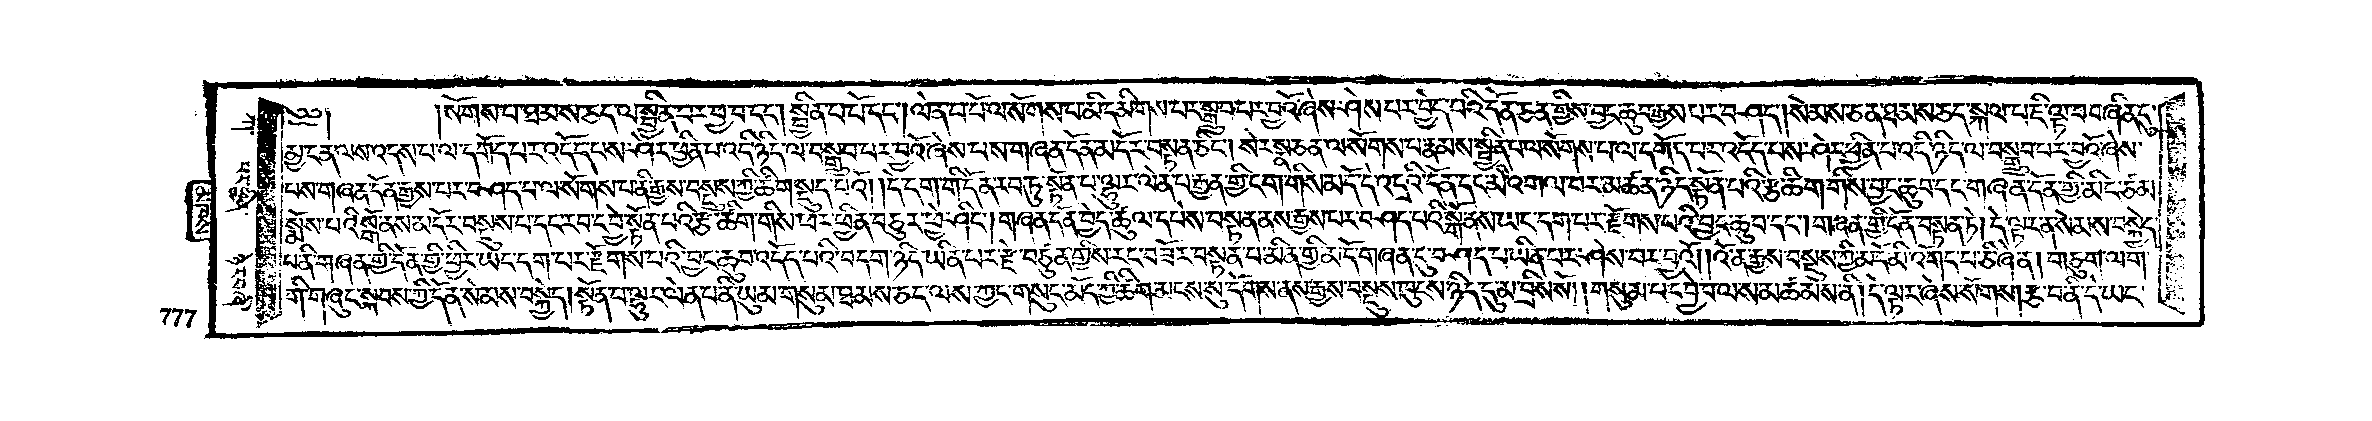༄༅། །སོགས་པ་ཐམས་ཅད་ལ་སྦྱིན་པར་བྱ་བ་དང་། སྦྱིན་པ་པོ་དང་། ལེན་པ་པོ་ལ་སོགས་པ་མི་དམིགས་པར་སྒྲུབ་པར་བྱའོ་ཞེས་ཤེས་པར་བྱེད་པའི་དོན་ཅན་གྱིས་བྱང་ཆུབ་རྒྱས་པར་བཤད། སེམས་ཅན་ཐམས་ཅད་སྐལ་པ་ཇི་ལྟ་བ་བཞིན་དུ་
མྱ་ངན་ལས་འདས་པ་ལ་དགོས་པར་འདོད་པས་ཤེར་ཕྱིན་པ་འདི་ཉིད་ལ་བསྒྲུབ་པར་བྱའོ་ཞེས་པས་གཞན་དོན་མདོར་བསྟན་ཅིང་། སེར་སྣ་ཅན་ལ་སོགས་པ་རྣམས་སྦྱིན་པ་ལ་སོགས་པ་ལ་དགོད་པར་འདོད་པས་ཤེར་ཕྱིན་པ་འདི་ཉིད་ལ་བསྒྲུབ་པར་བྱའོ་ཞེས་
པས་གཞན་དོན་རྒྱས་པར་བཤད་པ་ལ་སོགས་པ་ནི་རྒྱས་བསྡུས་ཀྱི་ཚིག་སྡུད་པའོ། །དེ་དག་གི་དོན་རབ་ཏུ་སྟོན་པ་ལྷུར་ལེན་པ་རྒྱན་གྱི་ངག་གིས་མདོ་དེ་འདྲའི་དོན་དང་མི་འགལ་བར་མཚན་ཉིད་སྟོན་པའི་རྩ་ཚིག་གིས་བྱང་ཆུབ་དང་གཞན་དོན་གྱི་མིང་ཙམ་
སྨོས་པའི་སྒོ་ནས་མདོར་བསྡུས་པ་དང་རབ་དབྱེ་སྟོན་པའི་རྩ་ཚིག་གིས་ཕར་ཕྱིན་བཅུར་ཕྱེ་ཤིང་། གཞན་དོན་བྱེད་ཚུལ་དཔེས་བསྟན་ནས་རྒྱས་པར་བཤད་པའི་སྒོ་ནས་ཡང་དག་པར་རྫོགས་པའི་བྱང་ཆུབ་དང་། གཞན་གྱི་དོན་བསྟན་ཏེ། དེ་ལྟར་ན་སེམས་བསྐྱེད་
པ་ནི་གཞན་གྱི་དོན་གྱི་ཕྱིར་ཡང་དག་པར་རྫོགས་པའི་བྱང་ཆུབ་འདོད་པའི་བདག་ཉིད་ཡིན་པར་རྗེ་བཙུན་གྱིས་རང་བཟོར་བསྟན་པ་མིན་གྱི་མདོ་གཞན་དུ་བཤད་པ་ཡིན་པར་ཤེས་པར་བྱའོ། །འོ་ན་རྒྱས་བསྡུས་ཀྱི་མདོ་མི་འགོད་པ་ཅི་ཞེ་ན། གཙུག་ལག་
གི་གཞུང་སྐབས་ཀྱི་དོན་སེམས་བསྐྱེད། སྟོན་པ་ལྷུར་ལེན་པ་ནི་ཡུམ་གསུམ་ཐམས་ཅད་ལས་ཀྱང་གསུང་མོད་ཀྱི་ཚིག་མངོས་སུ་དོགས་ནས་རྒྱས་བསྡུས་ཁུངས་ཉིད་དུ་མ་བྲིས་སོ། །གསུམ་པ་དབྱེ་བ་ལ་ས་མཚམས་ནི། དེ་ལྟར་ཞེས་སོགས་རྩ་བ་ནི་དེ་ཡང་